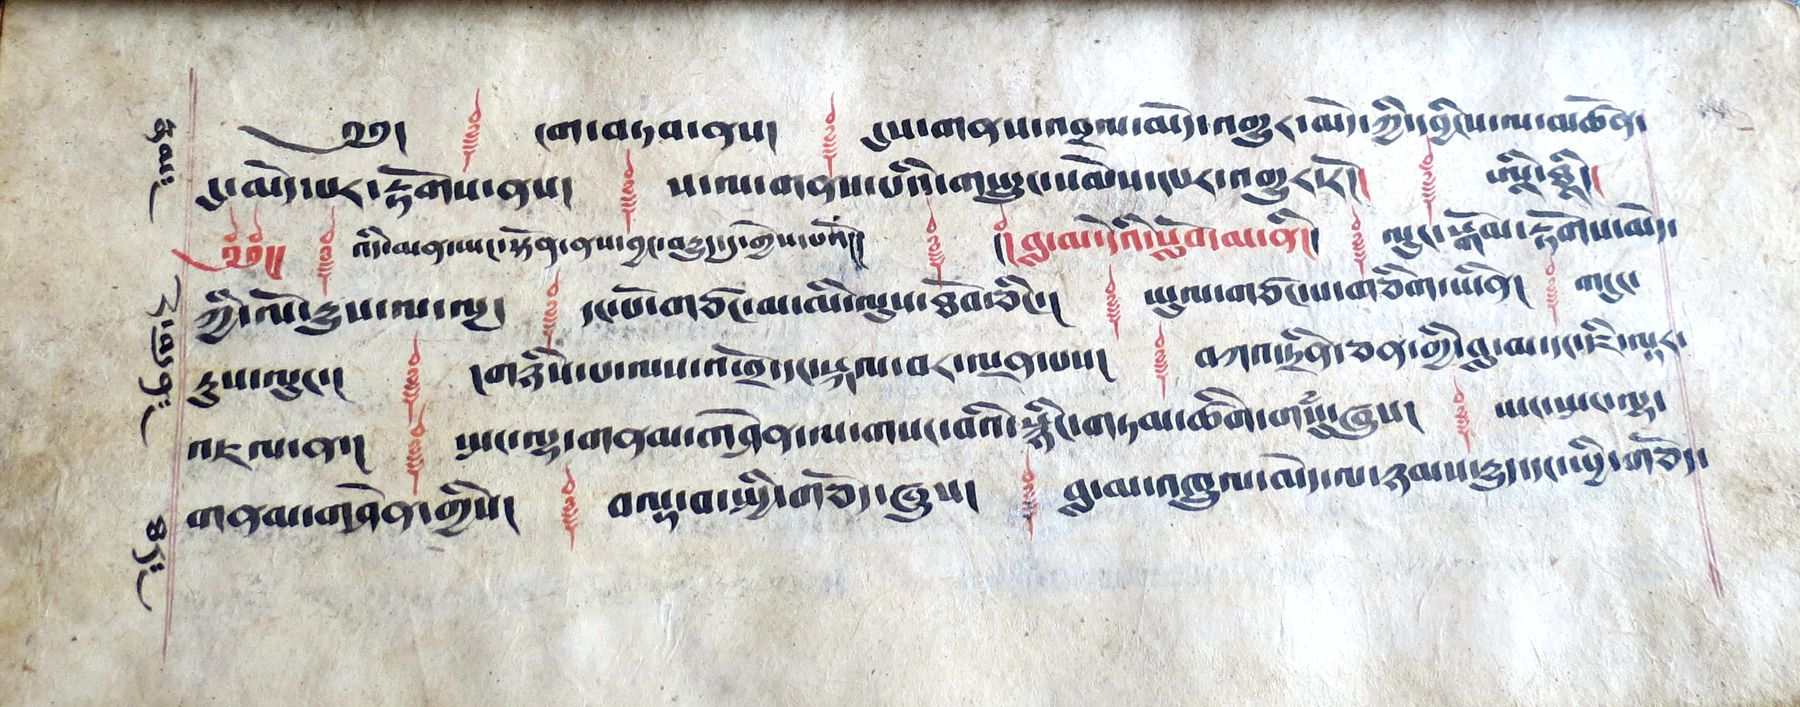ངག་བཏབ་ནས། དུས་གནས་ཐམས་ཅད་དུ་འབྲེལ་མེད་འགྱུར་མེད་ཀྱི་དབྱིངས་ལ་མཚོན་
དུ་མེད་པར་རྟོགས་ནས། ས་ལ་གནས་པའི་གཡུང་དྲུང་སེམས་དཔར་གྱུར་ཏོ། 
འདི་མན་ཡང་སྟོན་ནས་བྱང་རྒྱུད་དུ་གྱེས་པའོ། ། བླ་མ་དེའི་སློབ་མ་ནི། ལུང་སྒོམ་རྟོག་མེད་
ཀྱི་ལོ་རྒྱུས་ལ་ལྔ། དང་པོ་གཙང་མ་མི་ལུས་ཐོབ་ཅིང་། ཡུལ་གཙང་པ་ཞིག་ཡིན། གདུང་
རུས་ལུང་། གཉིས་པ་ལས་འཕྲོ་དང་སྐལ་པར་ལྡན་པས། བཀའ་དྲིན་ཅན་གྱི་བླ་མ་དང་ཅི་ལྟར་
མཇལ་ན། སྤང་ལ་ནམ་གཤེན་ལ་གསང་བའི་སྙིང་གཏམ་ཚིག་གསུམ་ཞུས། ཡང་སྤང་ལ་
ནམ་གཤེན་གྱིས་ལྟ་བ་སྤྱི་གཅོད་ཞུས། བླ་མ་འཁྲུལ་མེད་ལ་ཉམས་རྒྱུད་དང་སྤྱི་གཅོད་